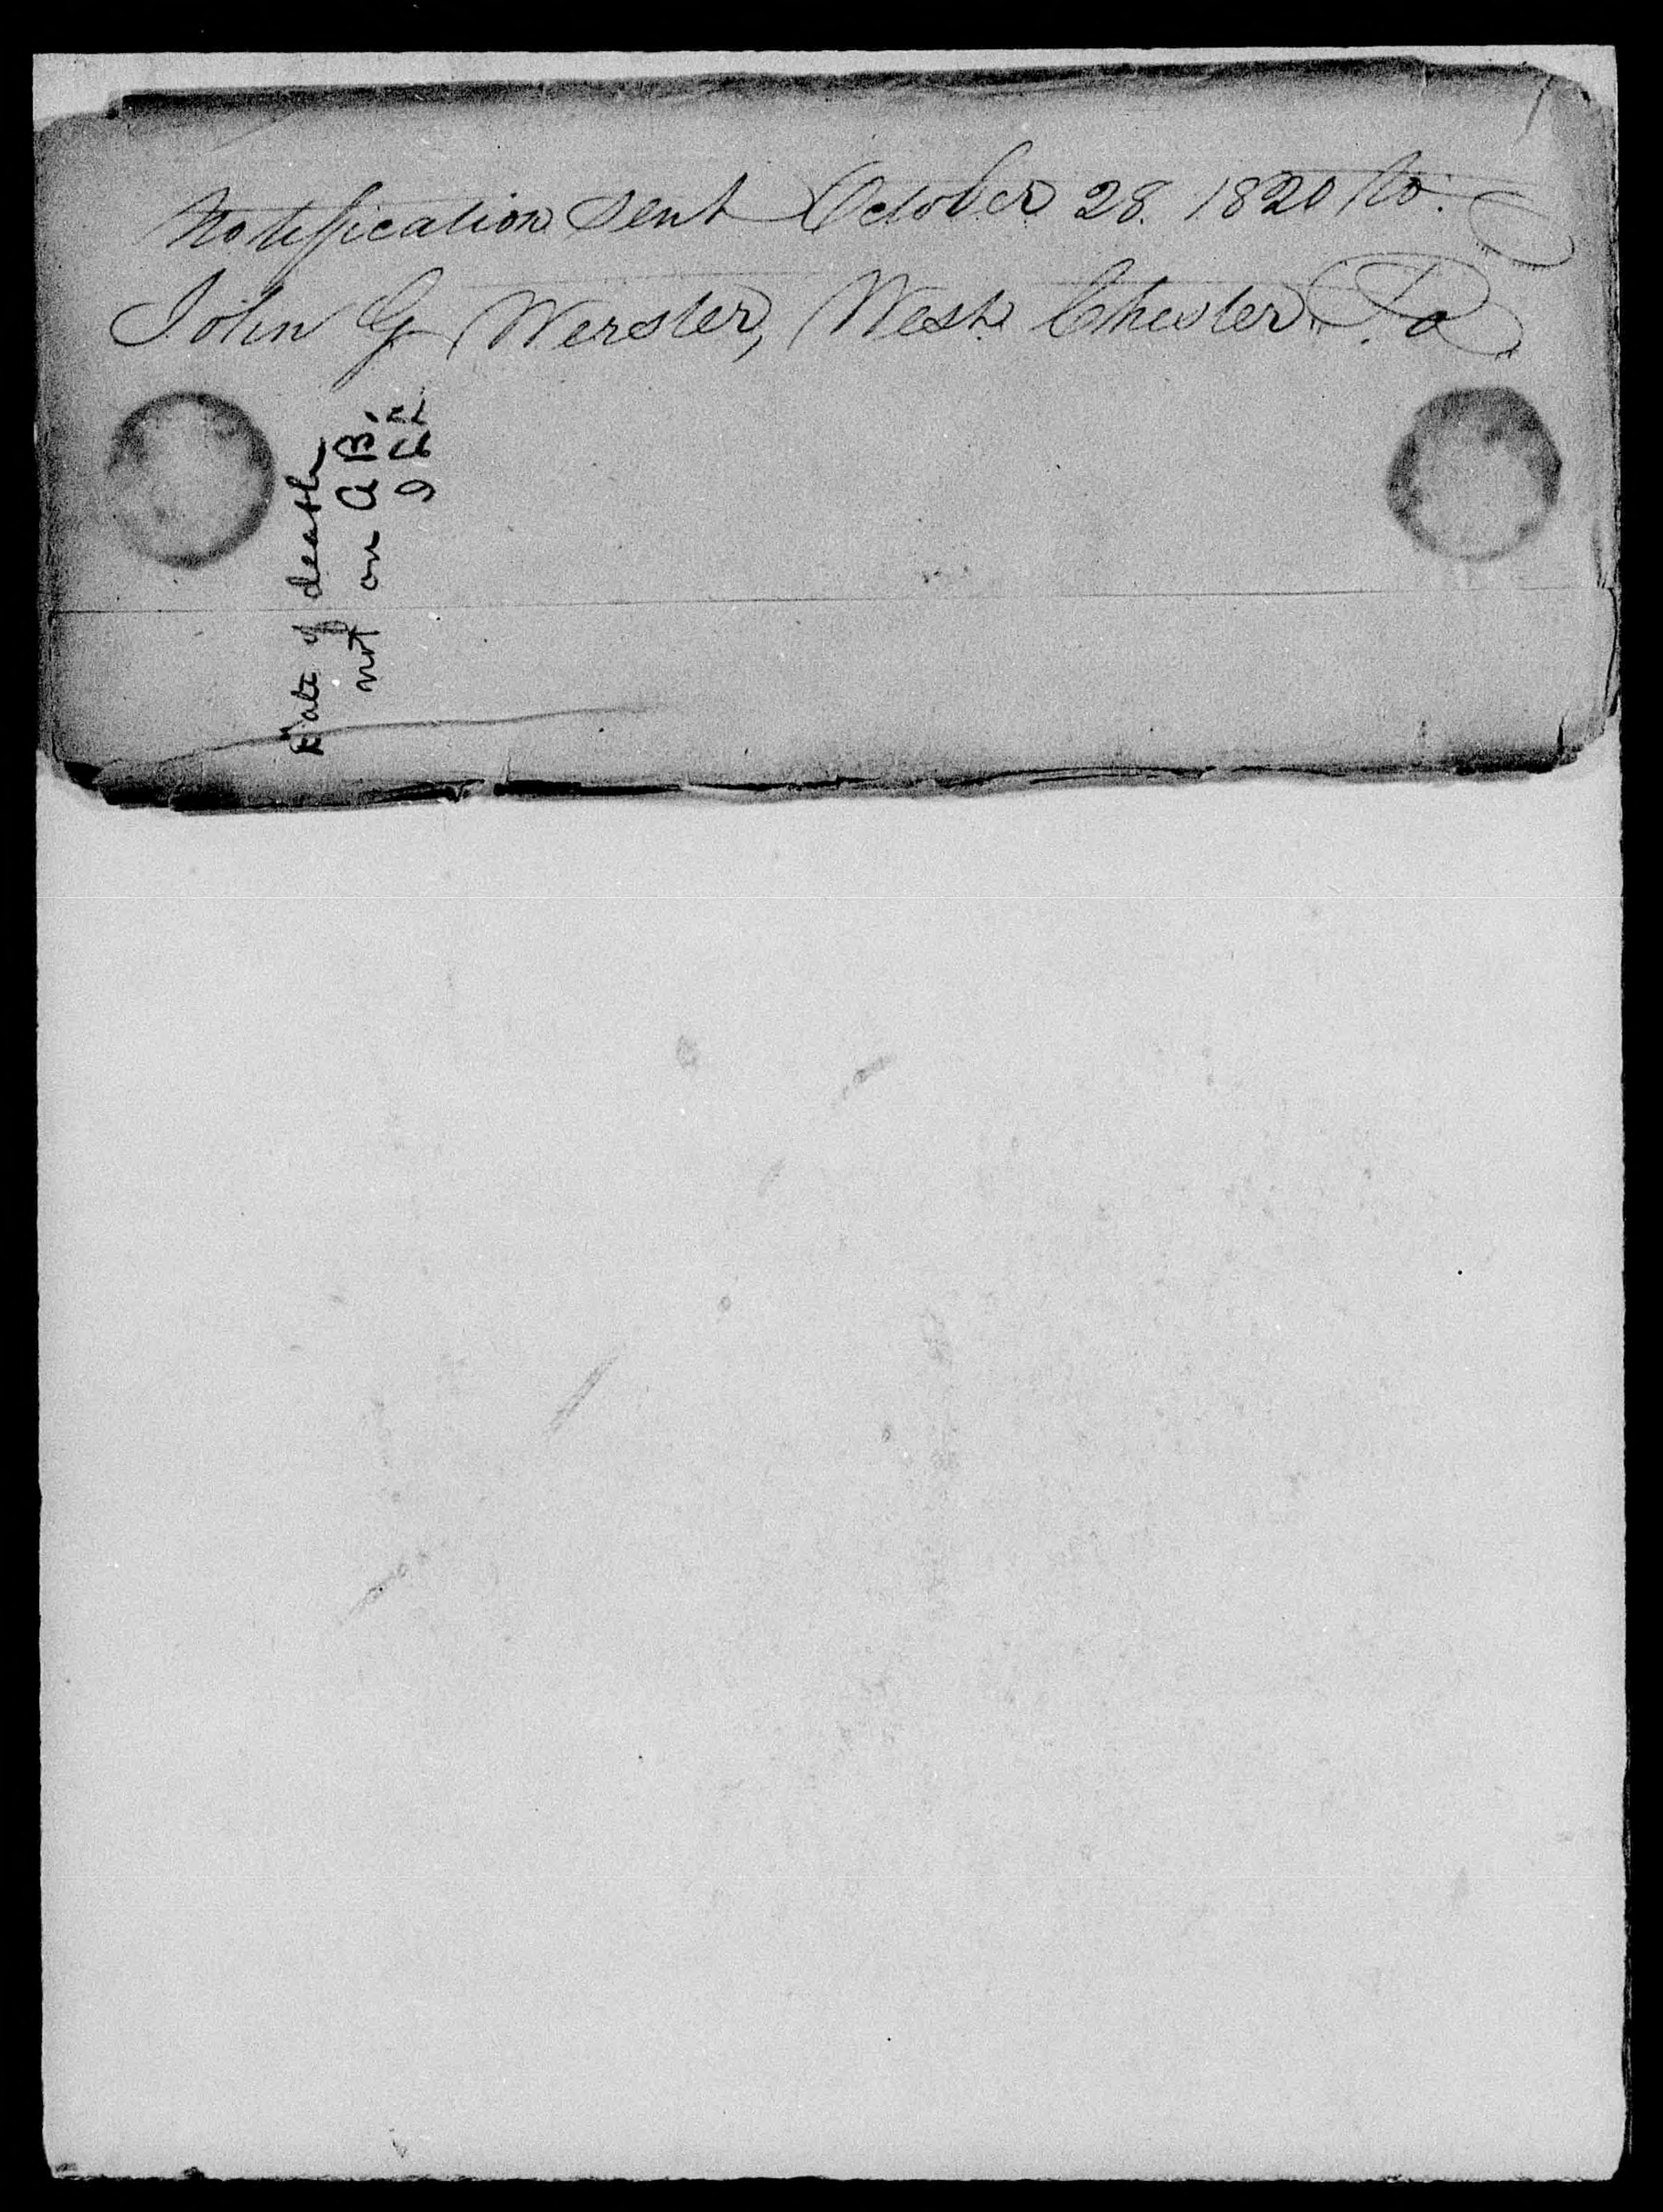Notification sent October 18, 1820
John G Werster, 
West Chester Pa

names: John G Werster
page: 3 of 20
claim: survivor's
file: S. 41581, John Gillespie, Continental Del.